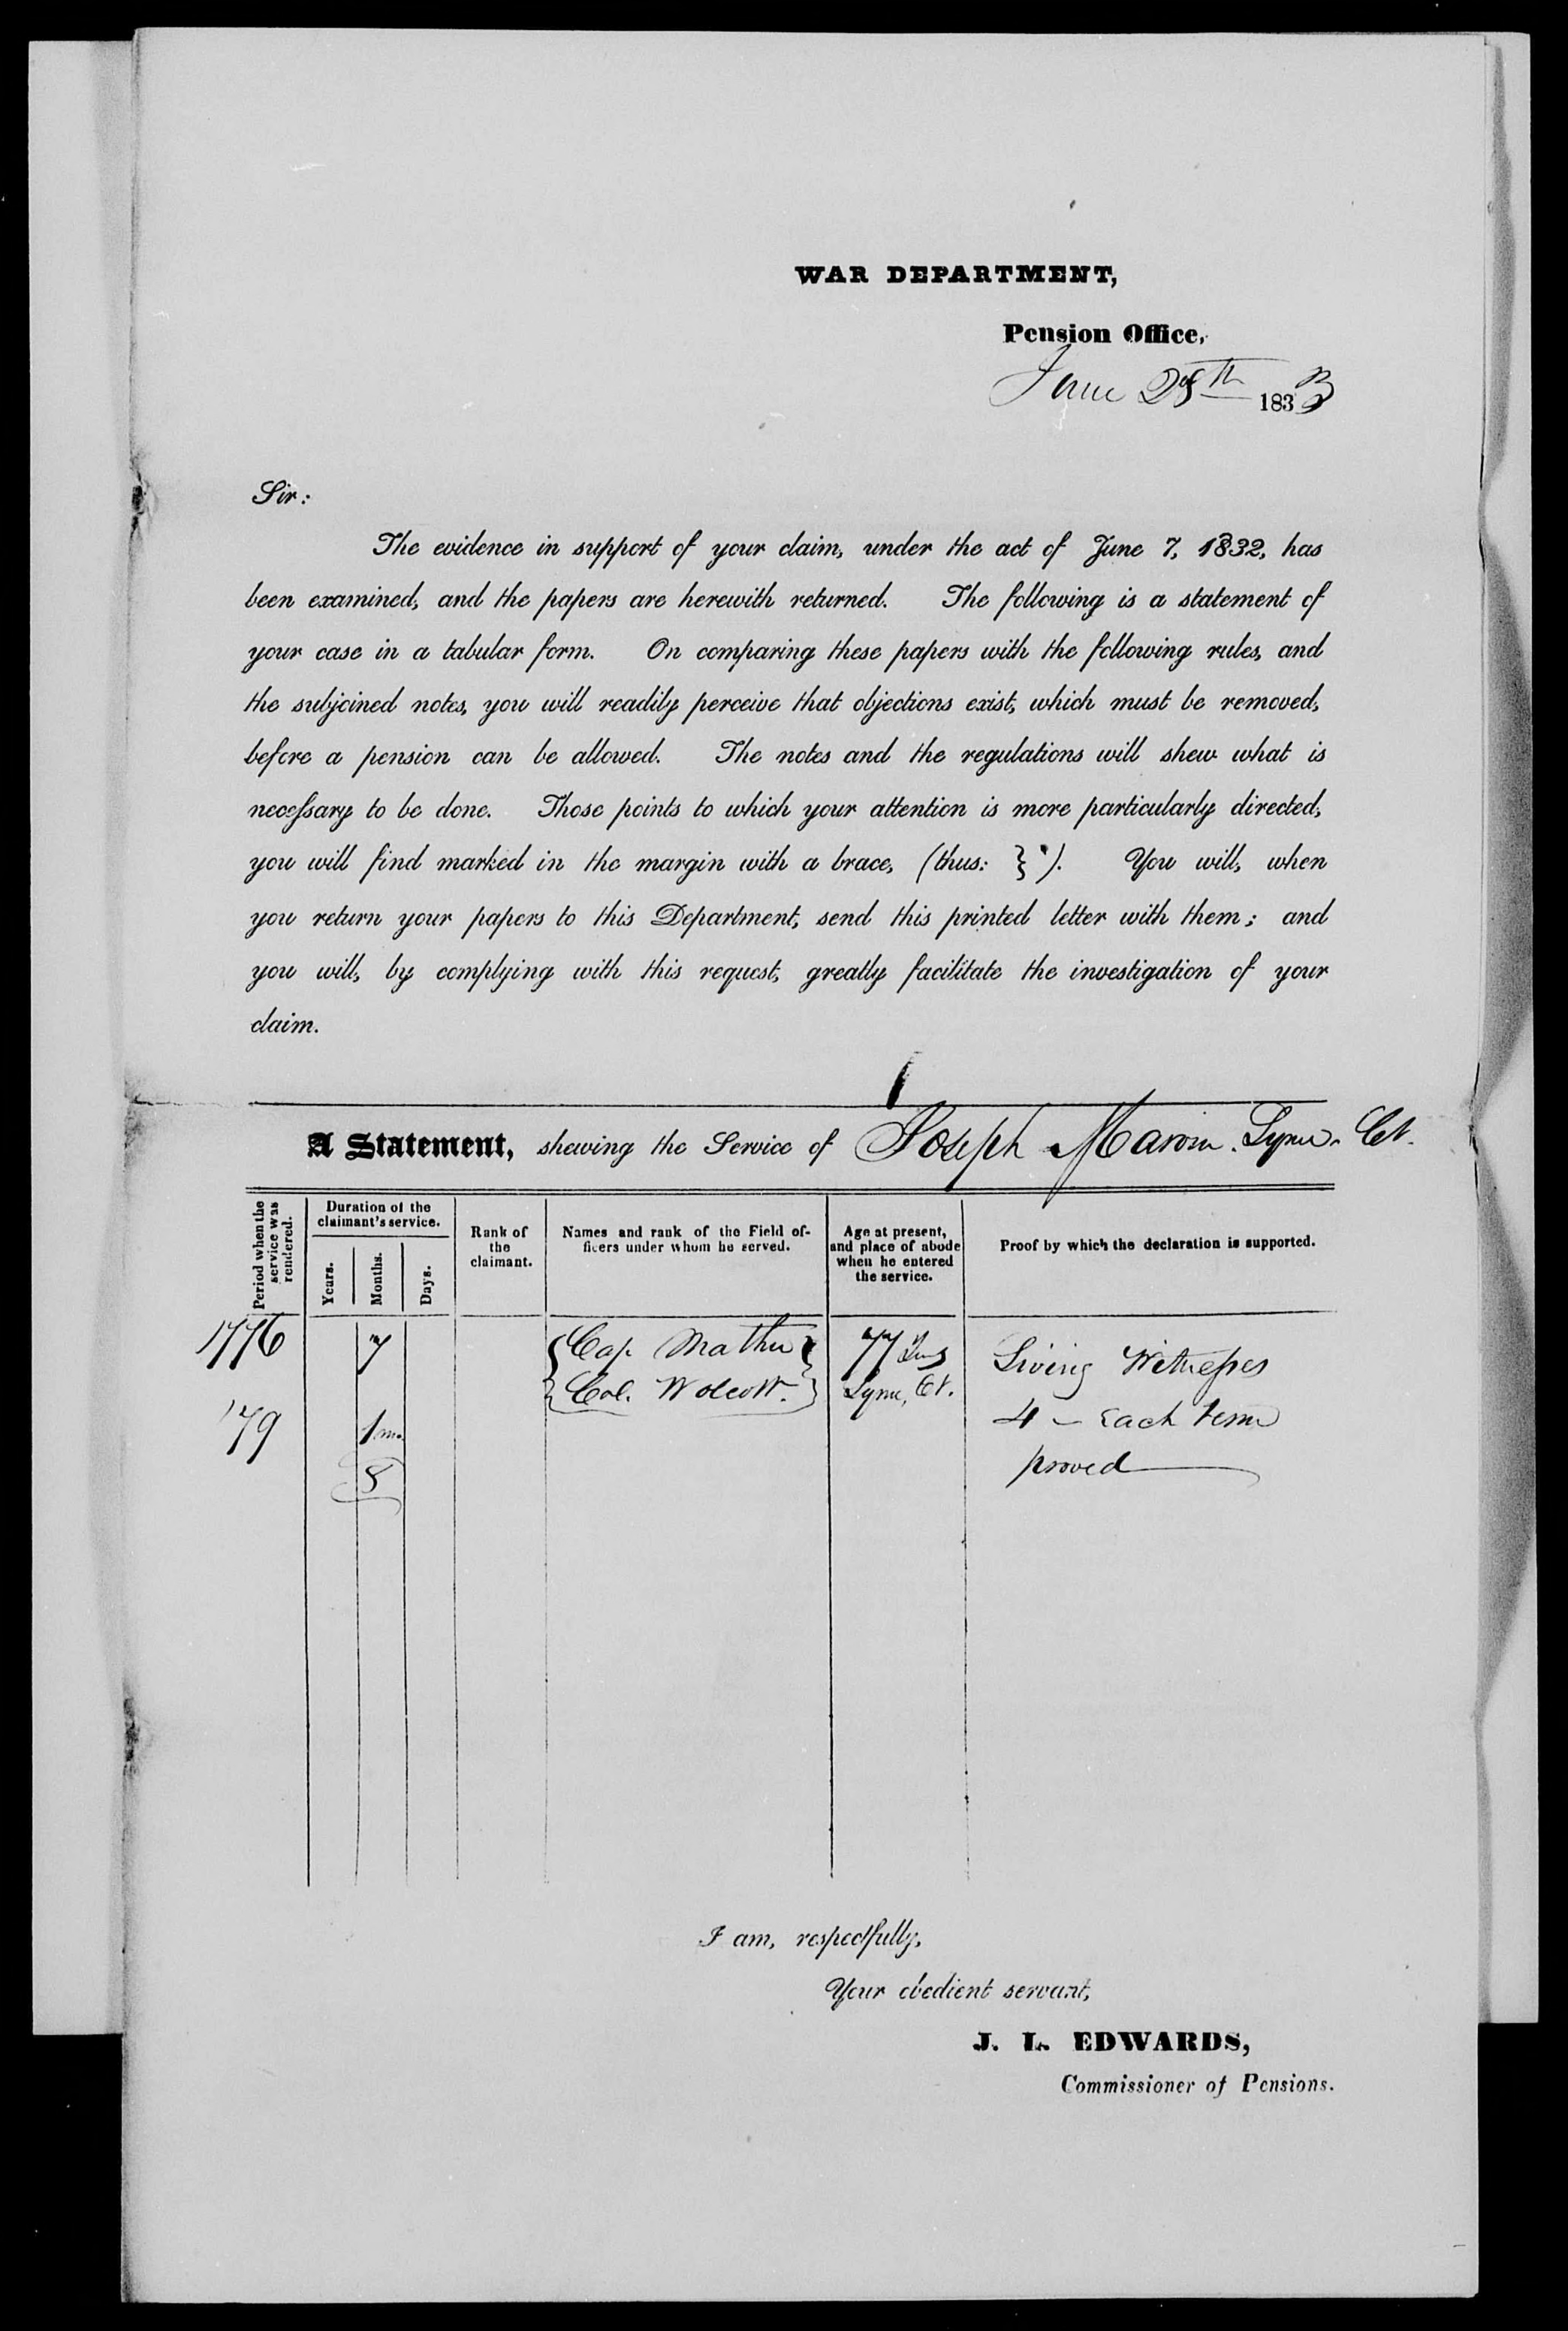WAR DEPARTMENT 
Pension Office, 
June 25th 1833
Sir. 
The evidence in support of your claim, under the act of June 7, 1832, has been examined, and the papers are herewith returned. The following is a statement of your case in a tabular form. On comparing these papers with the following rules and the subjoined notes, you will readily perceive that objections exist, which must be removed before a pension can be allowed. the notes and the regulations will shew what is necessary to be done. Those points to which your attention is more particularly directed, you will find marked in the margin with a brace, (thus: }). You will, when you return your papers to this Department, send this printed letter with them; and you will, by compling with this request greatly facilitate the investigation of your claim. 
A Statement, showing the Service of   Joseph Marvin, Lyme Ct.
Period when the service was rendered.  1776  Duration of Claimant’s Service.   7 Months   Rank of claimant.  Names and rank of the Officers under whom he served. Captain Mather Colonel Wolcott   Age at present and place of abode when he entered the service.  77 years  Lyme, Ct.   Proof by which the declaration is supported.  Living Witnesses 4 – each term proved
Period when the service was rendered. ‘79   Duration of Claimant’s Service. 1 month   Rank of claimant. Names and rank of the Officers under whom he served.   
I am respectfully 
Your obedient servant 
JAMES L. EDWARDS, 
Commissioner of Pensions.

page: 4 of 20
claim: survivor's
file: S. 15,516, for Joseph Marvin, Connecticut